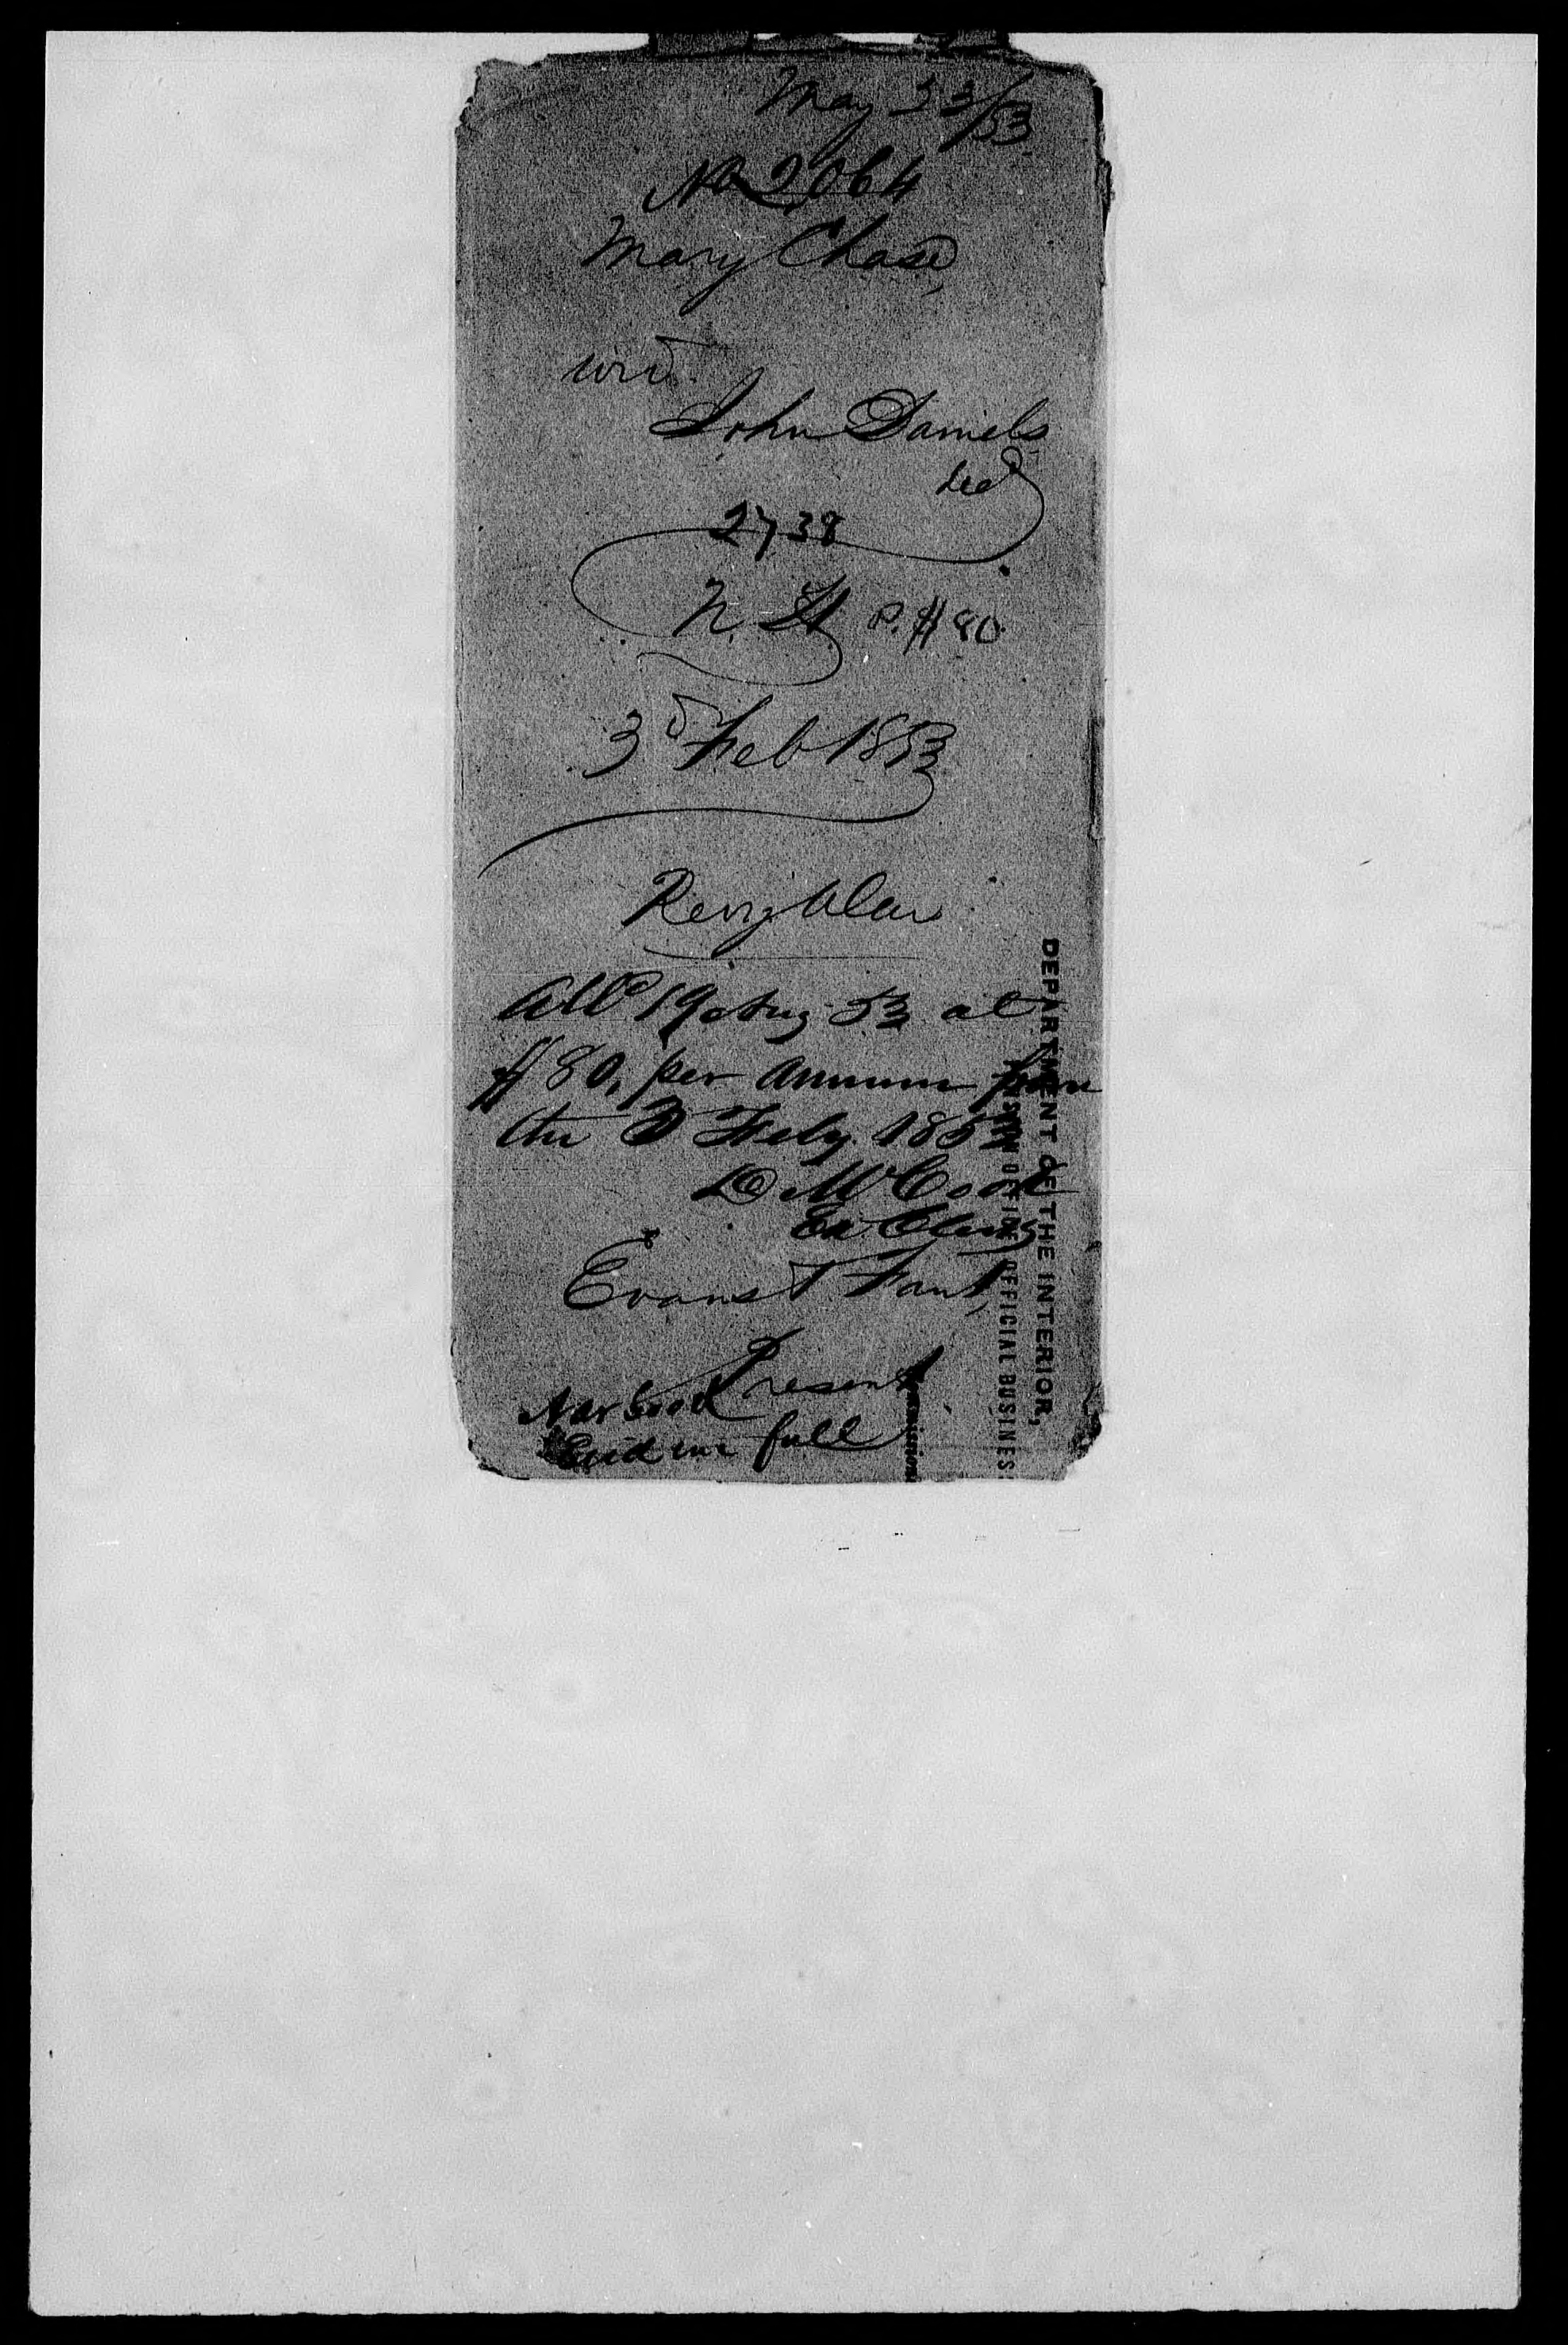May 23/53
No 2064
Mary Chase
with
John Daniels
dead
2738
N.H. p. $80
3d Feb 1833
Rev. War
Act 3 Feby 1853
$80 per annum from
the 3 Feby 1853
Dell Cook
Clerk
Evans Fank
&
Margood Present
Paid in ful
(printed on the side)
DEPARTMENT OF THE INTERIOR,
PENSION OFFICE OFFICIAL BUSINESS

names: Mary Chase, John Daniels, Evans, D Mc Cook, Fant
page: 18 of 43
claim: widow's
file: W 683, John Daniels, Continental Mass. N.H.